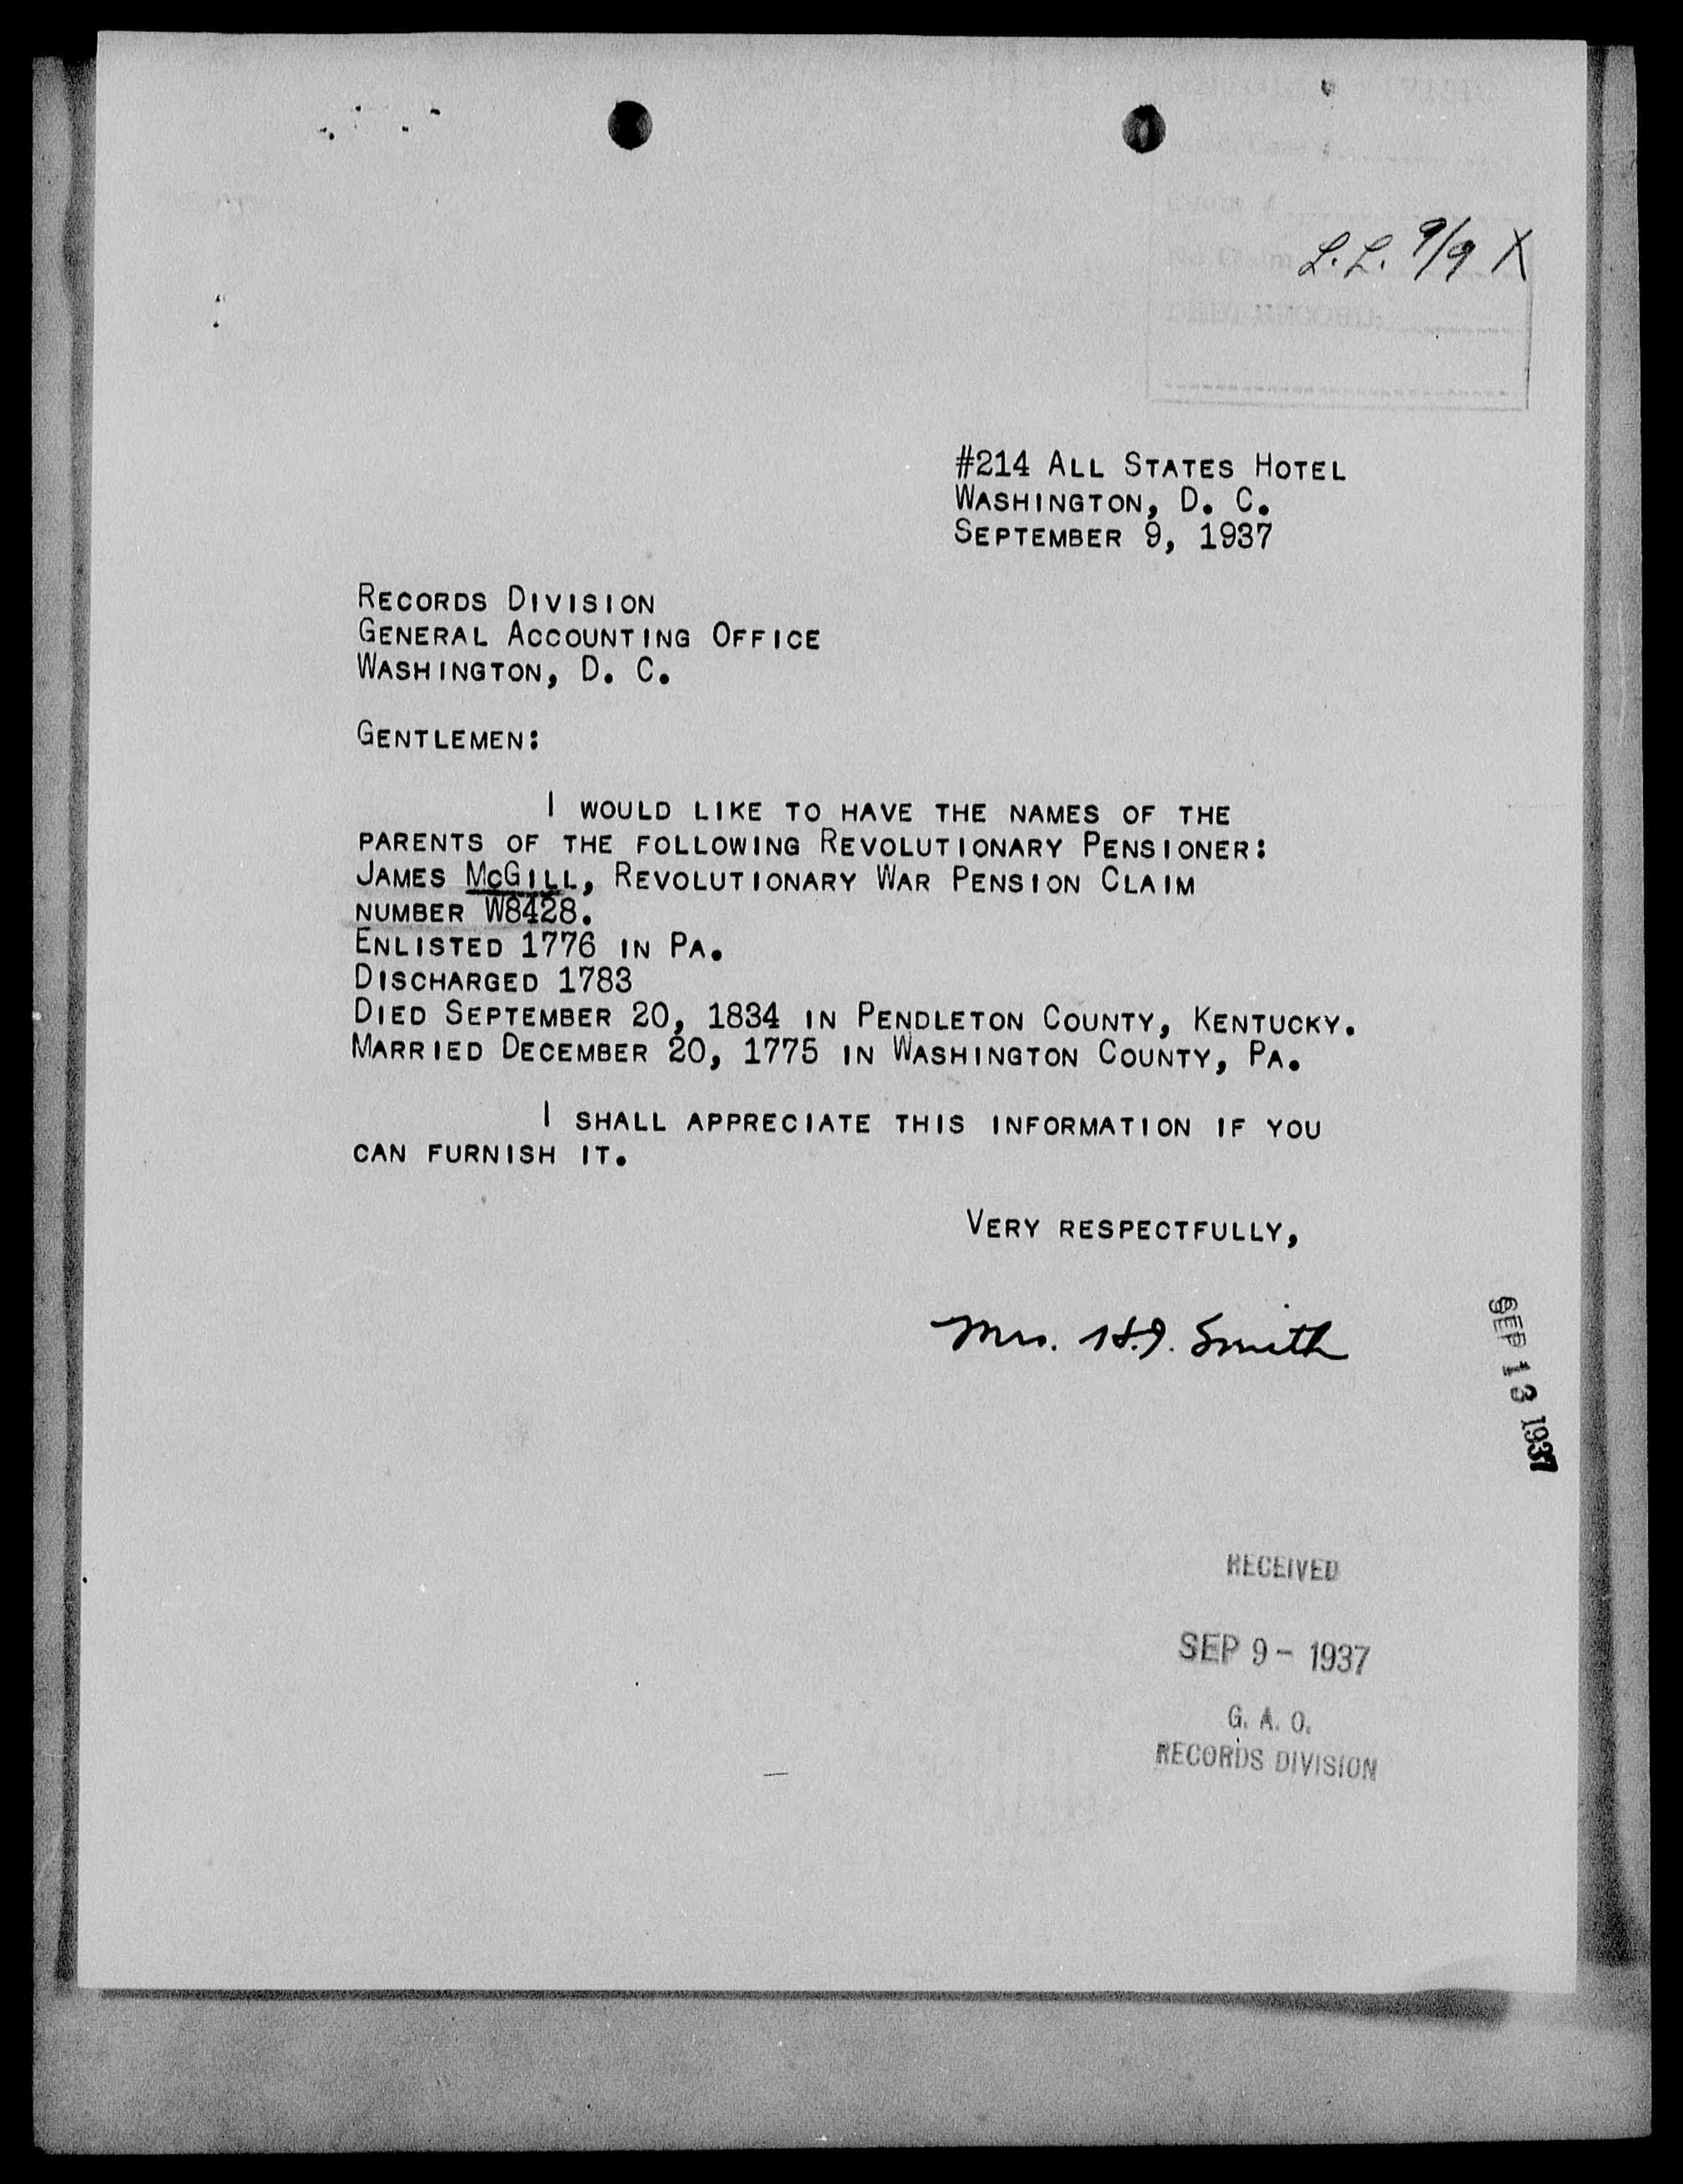Image 116 4160873_0016
Fold3 File #23857282

#214 ALL STATES HOTEL 
WASHINGTON, D. C.
SEPTEMBER 9, 1937
RECORDS Division  GENERAL ACCOUNTING OFFICE WASHINGTON, D. C.

GENTLEMEN:
I WOULD LIKE TO HAVE THE NAMES OF THE PARENTS OF THE FOLLOWING REVOLUTIONARY PENSIONER: JAMES MCGILL, REVOLUTIONARY WAR PENSION CLAIM NUMBER W8428.
ENLISTED 1776 IN PA,
DISCHARGED 1783
DIED SEPTEMBER 20, 1834 IN PENDLETON COUNTY, KENTUCKY. MARRIED DECEMBER 20, 1775 IN WASHINGTON COUNTY, PA.
I SHALL APPRECIATE THIS INFORMATION IF YOU CAN FURNISH IT.

VERY RESPECTFULLY,
MRS. H. J. SMITH

RECEIVED
SEP 9  1937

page: 58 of 71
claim: widow's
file: W. 8428, for James Mc Gill, Pennsylvania